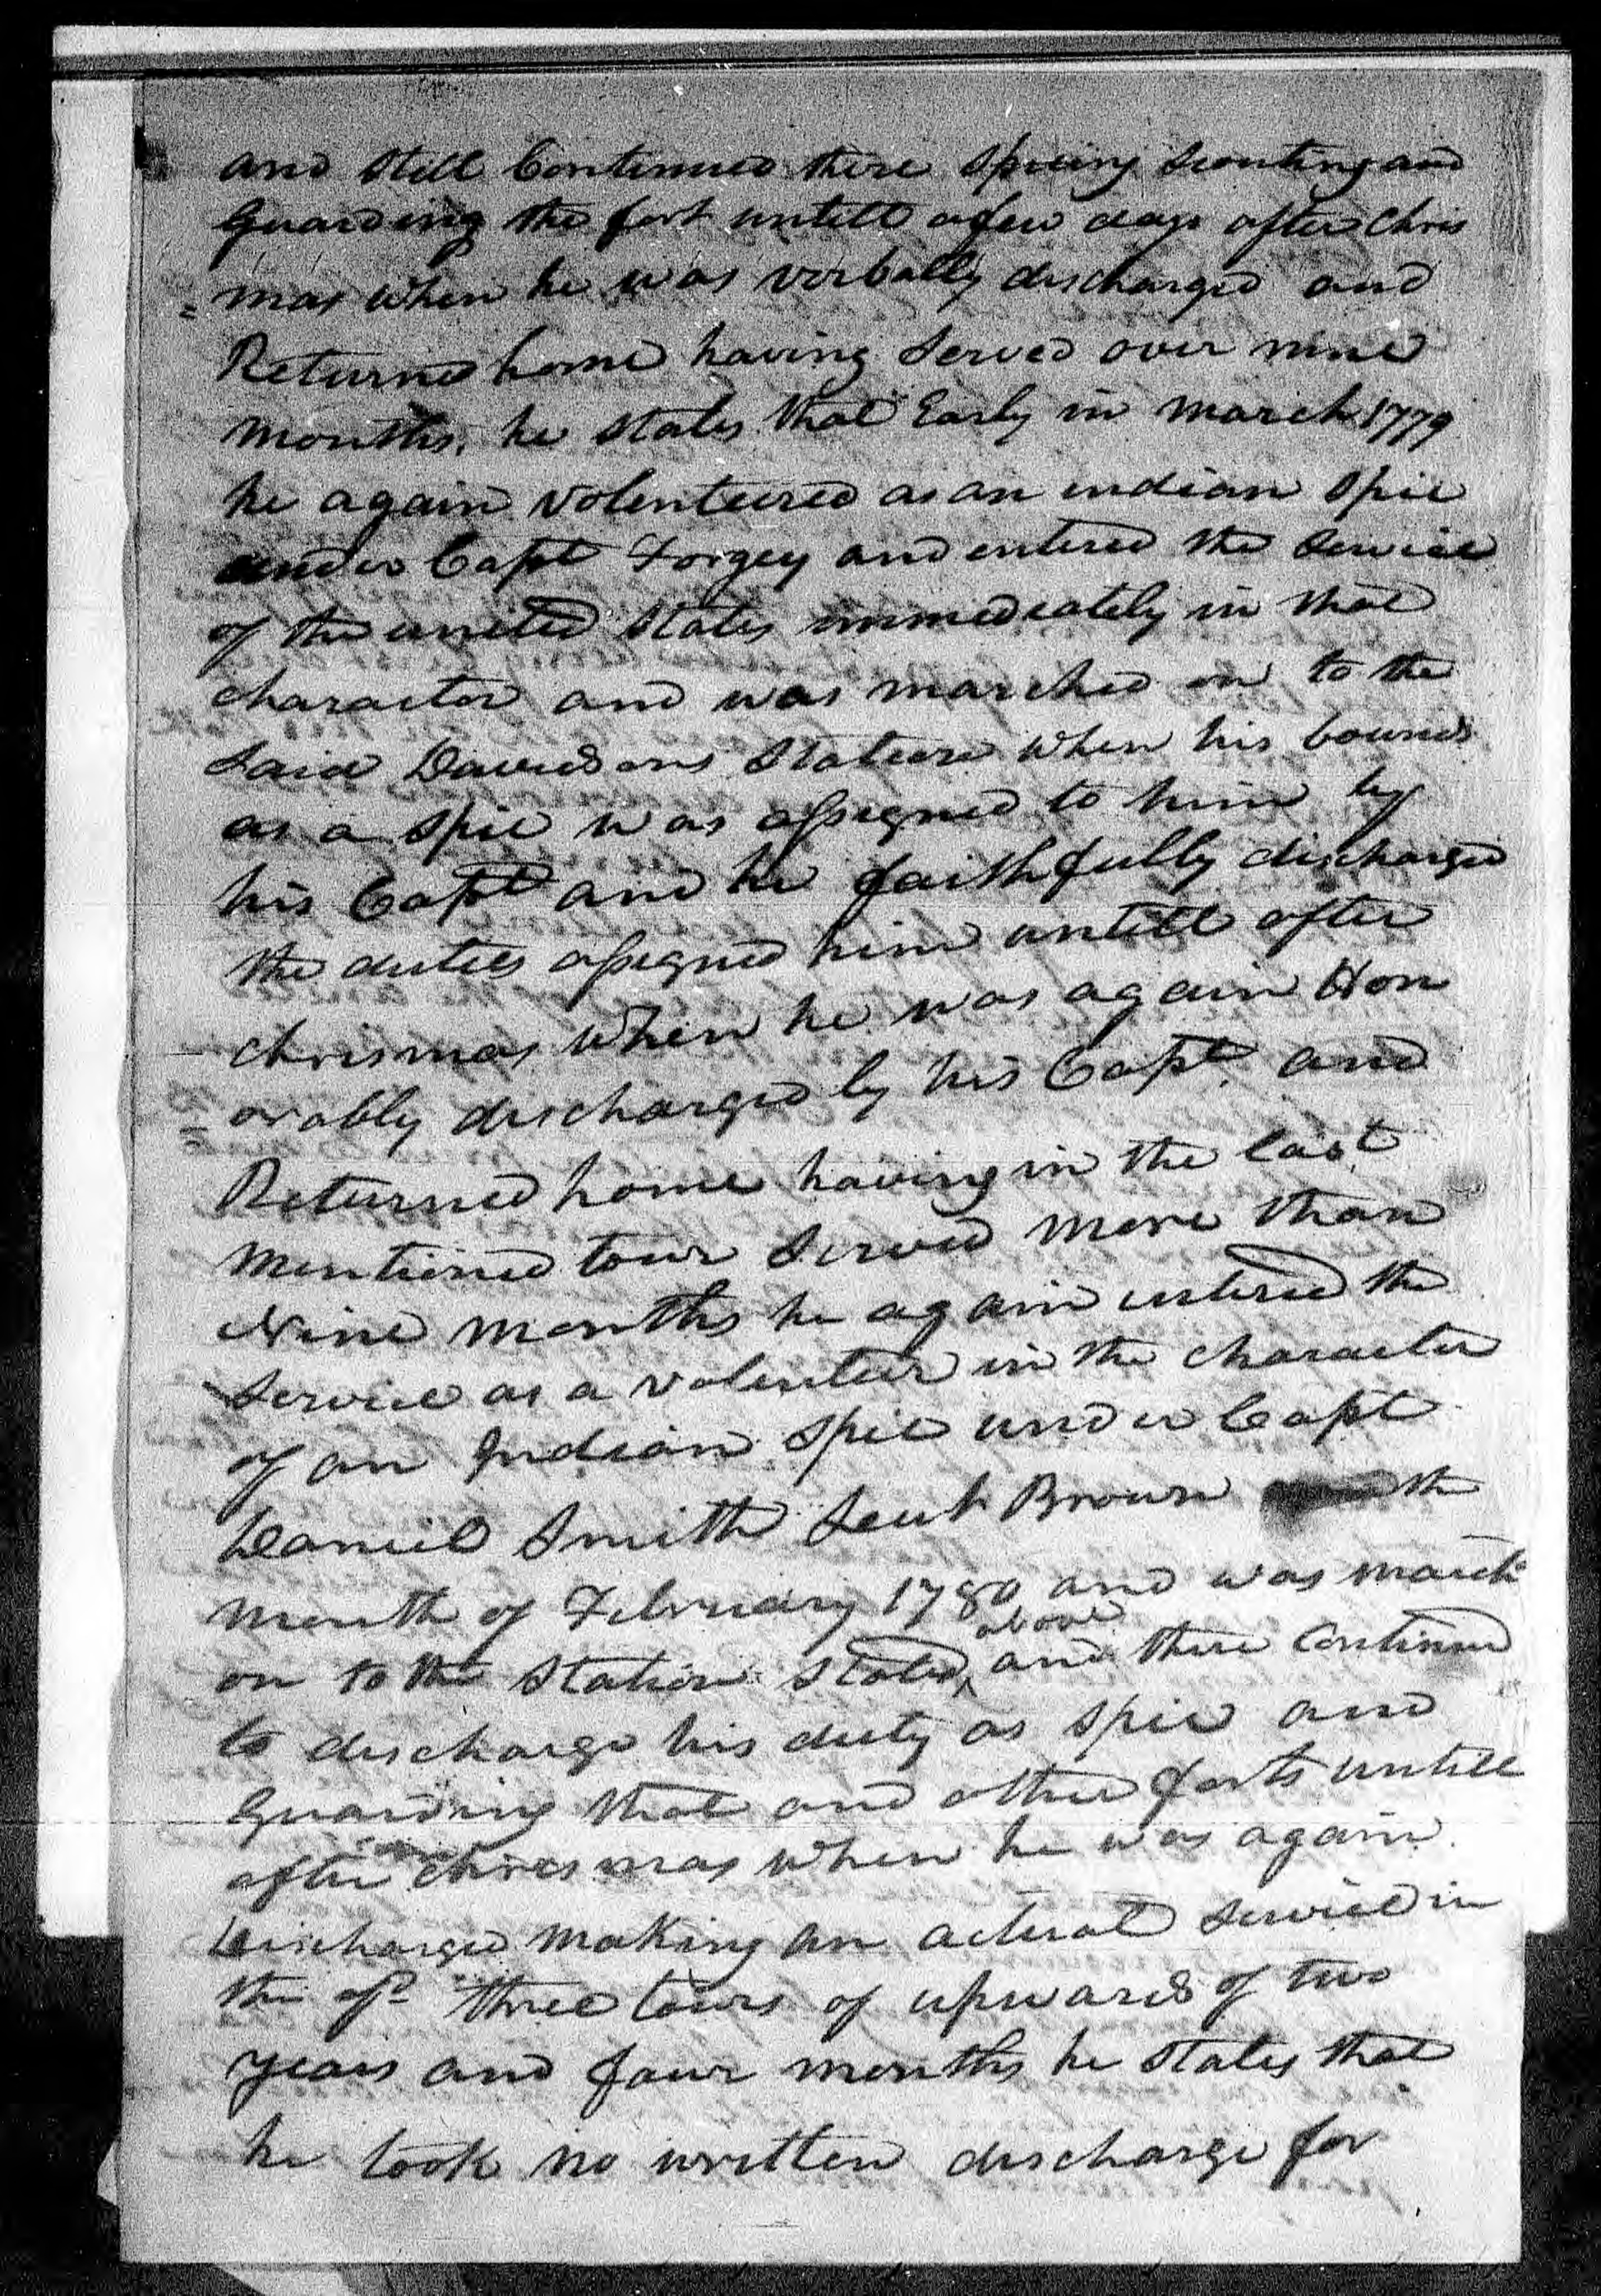and still continued there spring scouting and guarding the fort untill [until] a few days after Chrismas [Christmas] when he was verbally discharged and returned home having served over nine months, he states that early in March 1779 he again volunteered as an Indian Spie [spy] under Capt Forgey and entered the service of the United States immediately in that character and was marched on to the said Davidson [illegible] when his [illegible] as a spie [spy]  was assigned to him by his Capt and he faithfully discharged the duties assigned him untill [until] after Chrismas [Christmas] when he was again honorably discharged by his Capt and returned home having in the last mentioned tour served more than nine months he again entered the service as a volunteer  in the Character of an Indian Spie [spy] and in Capt Daniel Smith Leut Brown the month of February 1780 and was marched on to the Station states and there continued to discharge his duty as spie [spy] and guarding [illegible] and other forts untill [until] after Chrismas [Christmas] when he was again discharged making an actual service in this of three tours of upward of two years and four months he states that he too no written discharge for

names: Forgey, Brown, Daniel Smith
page: 9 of 91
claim: widow's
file: W 358, John Grider, N.C.